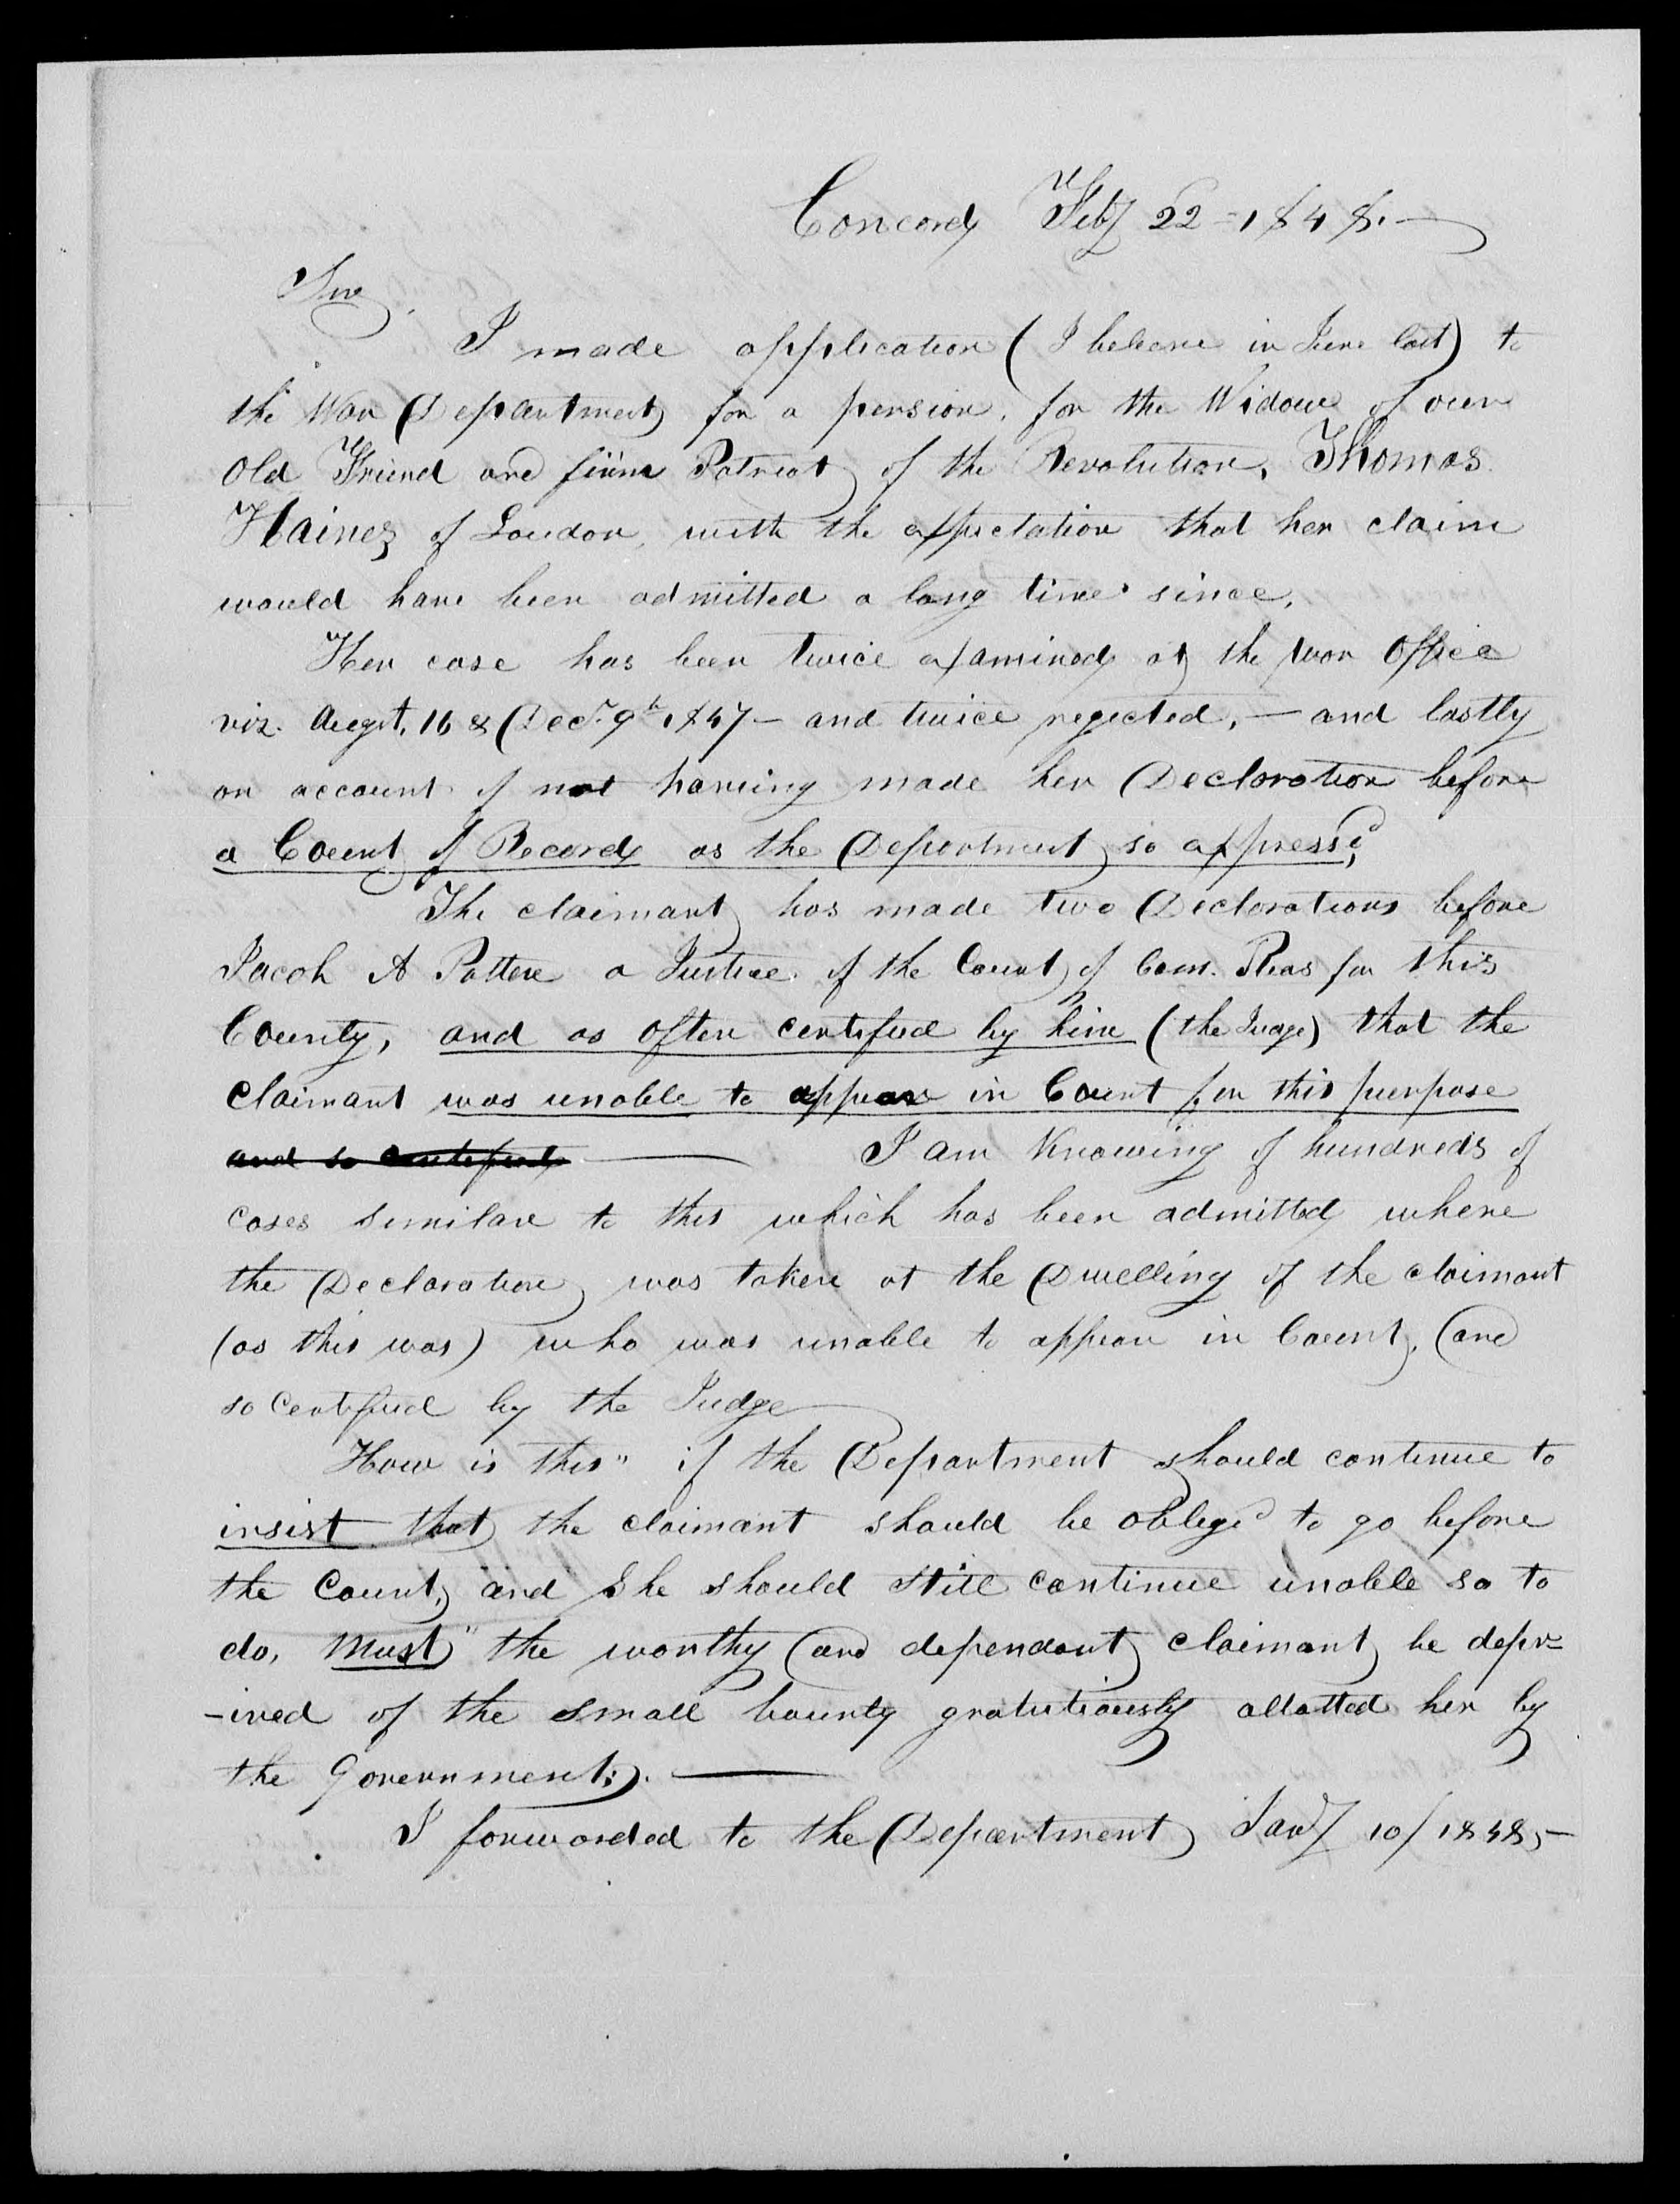Concord Feby 22 1848 

I made application ( I believe in June last) to the War Department for a pension for the Widow of our old Friend and firm Patriot of the Revolution, Thomas Haines, of Loudon, with the expectation that her claim would have been admitted a long time since.

Her case has been twice examined at the War Office viz. August 11 & Decr. 9th 1847 - and twice rejected—and lastly on account of not having made her Declaration before a Court of Record as the Department so affinessed

The claimant has made two Declarations before Jacob A Potter a Justice of the Court of Com. Pleas for this County, and as often certified by him (the Judge) that the claimant was unable to appear in Court for this purpose

I am knowing of hundreds of cases similar to this which has been admitted where the Declaration was taken at the Dwelling of the claimant(as this was) who was unable to appear in County, and so certified by the Judge

How is this: if the Department should continue to insist that the claimant should be obliged to go before the Court, and She should still continue unable so to do Must the worthy and dependent claimant be deprived of the Small bounty gratutiously allotted her by the Government-

I forwarded to the Department Jany 10/1848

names: Thomas Haines, Jacob A Potter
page: 34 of 57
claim: widow's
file: W. 23217, Thomas Haines, N H